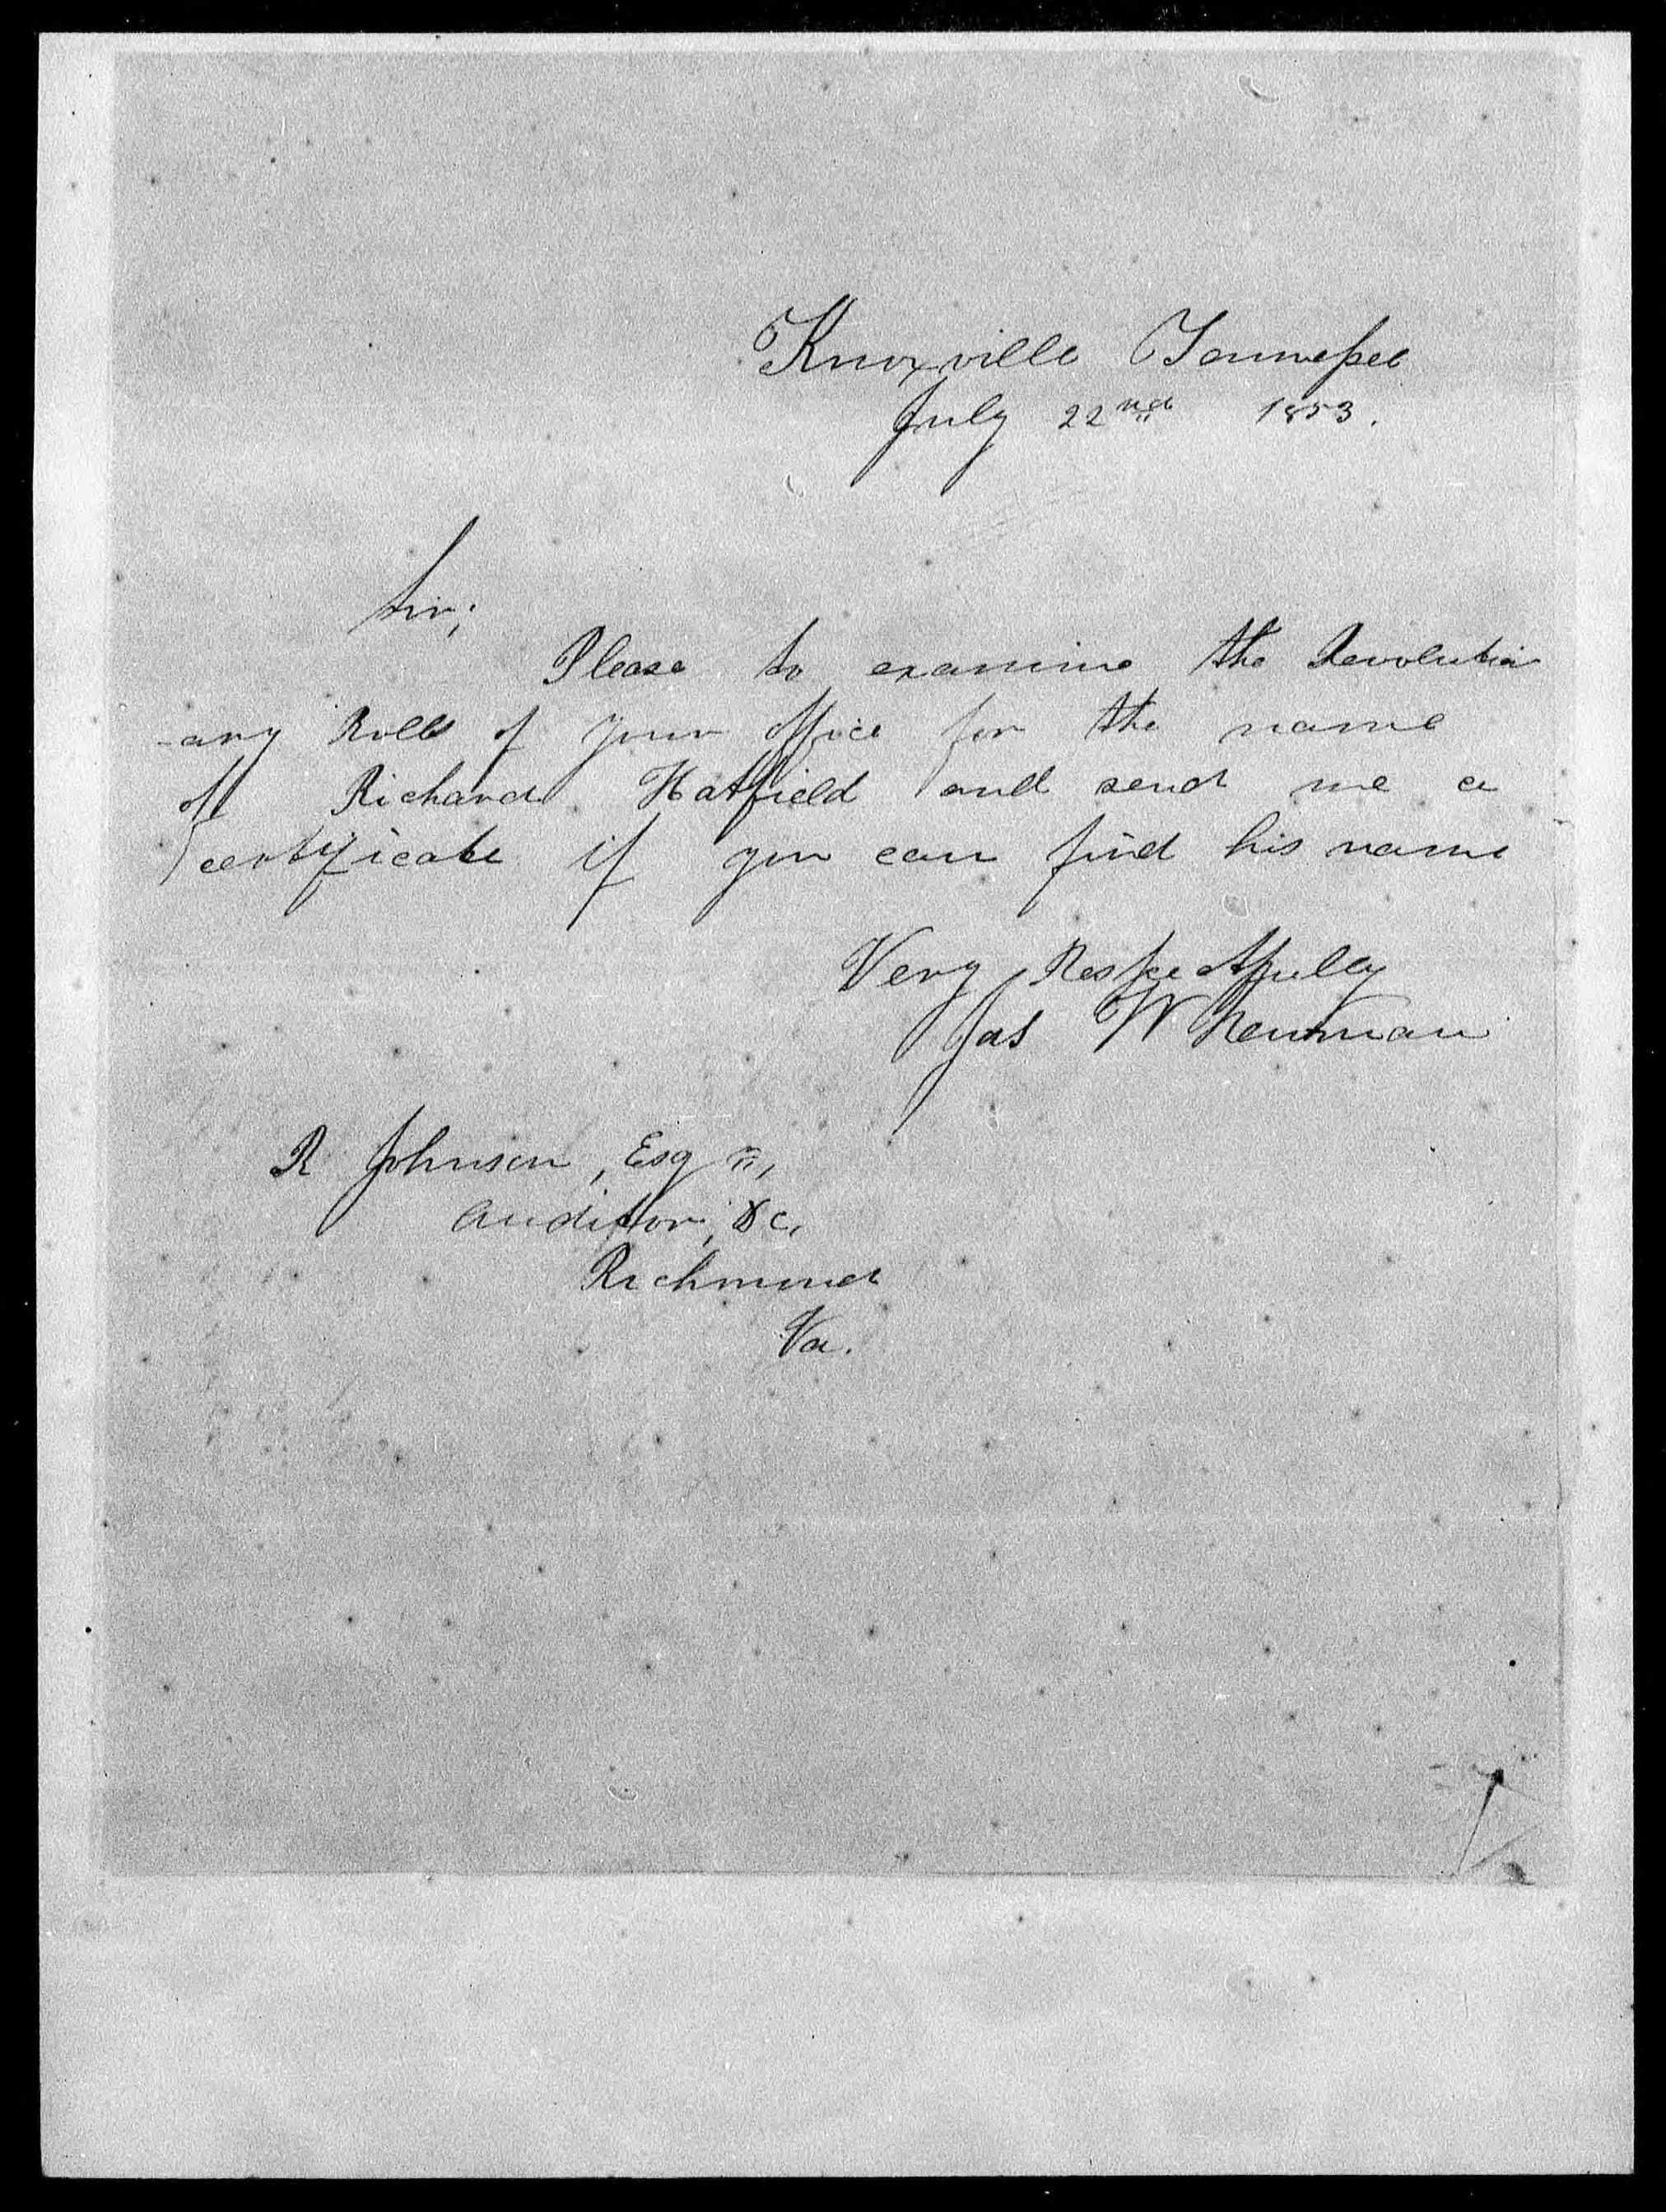Knoxville Tennessee
July 22nd 1853

Sir;
Please to examine the Revolution-
ary rolls of your office for the name
of Richard Hatfield and send me a
certificate if you can find his name
Very Respectfully
Jas W Newman

R Johnson, Esq,
Auditor, &c,
Richmond
Va.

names: Richard Hatfield, R Johnson, Jas W Newman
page: 71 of 74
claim: widow's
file: W. 5, Joseph Hatfield, Va.